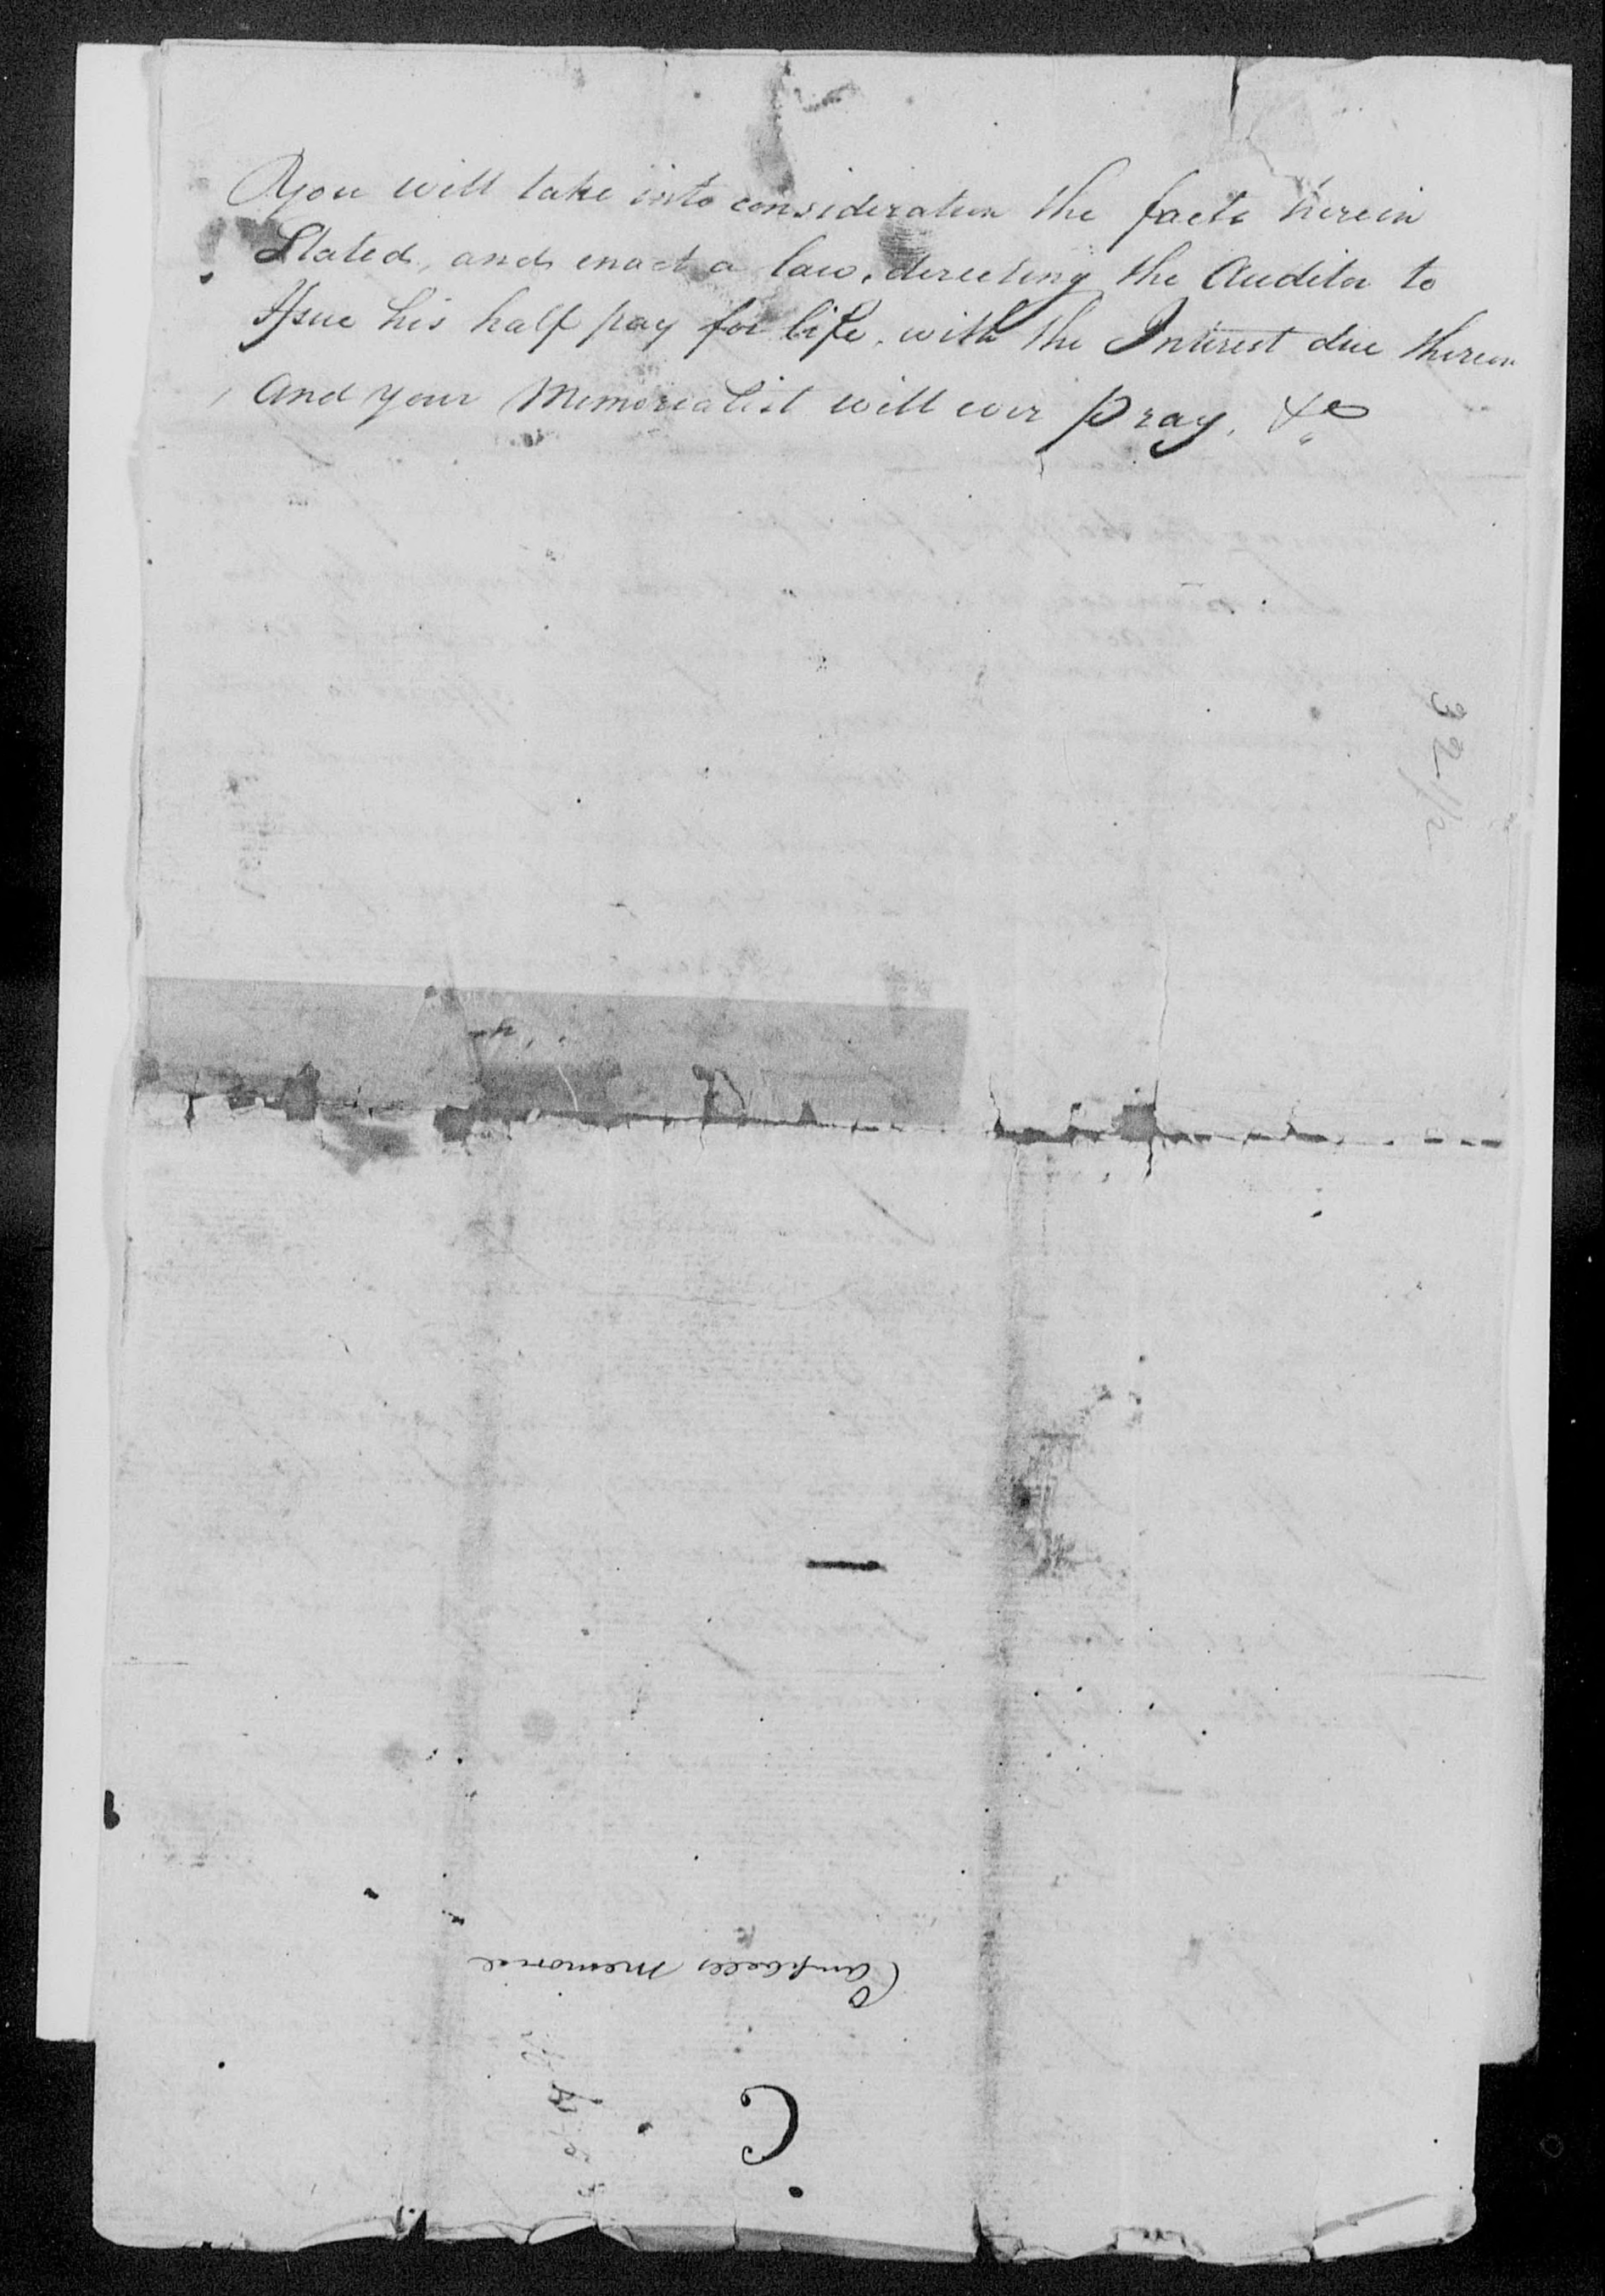You will take into consideration the facts therein  Stated and enact law, directing the Auditor to Issue his half pay for life. with the Interest due  thereon and your Memorialist will ever pray +c[et cetera]


[At bottom of page is the following written upside down and backwards}

C.

Campbell Memorial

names: Campbell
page: 108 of 267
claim: widow's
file: W. 4,149, William Campbell, Va.